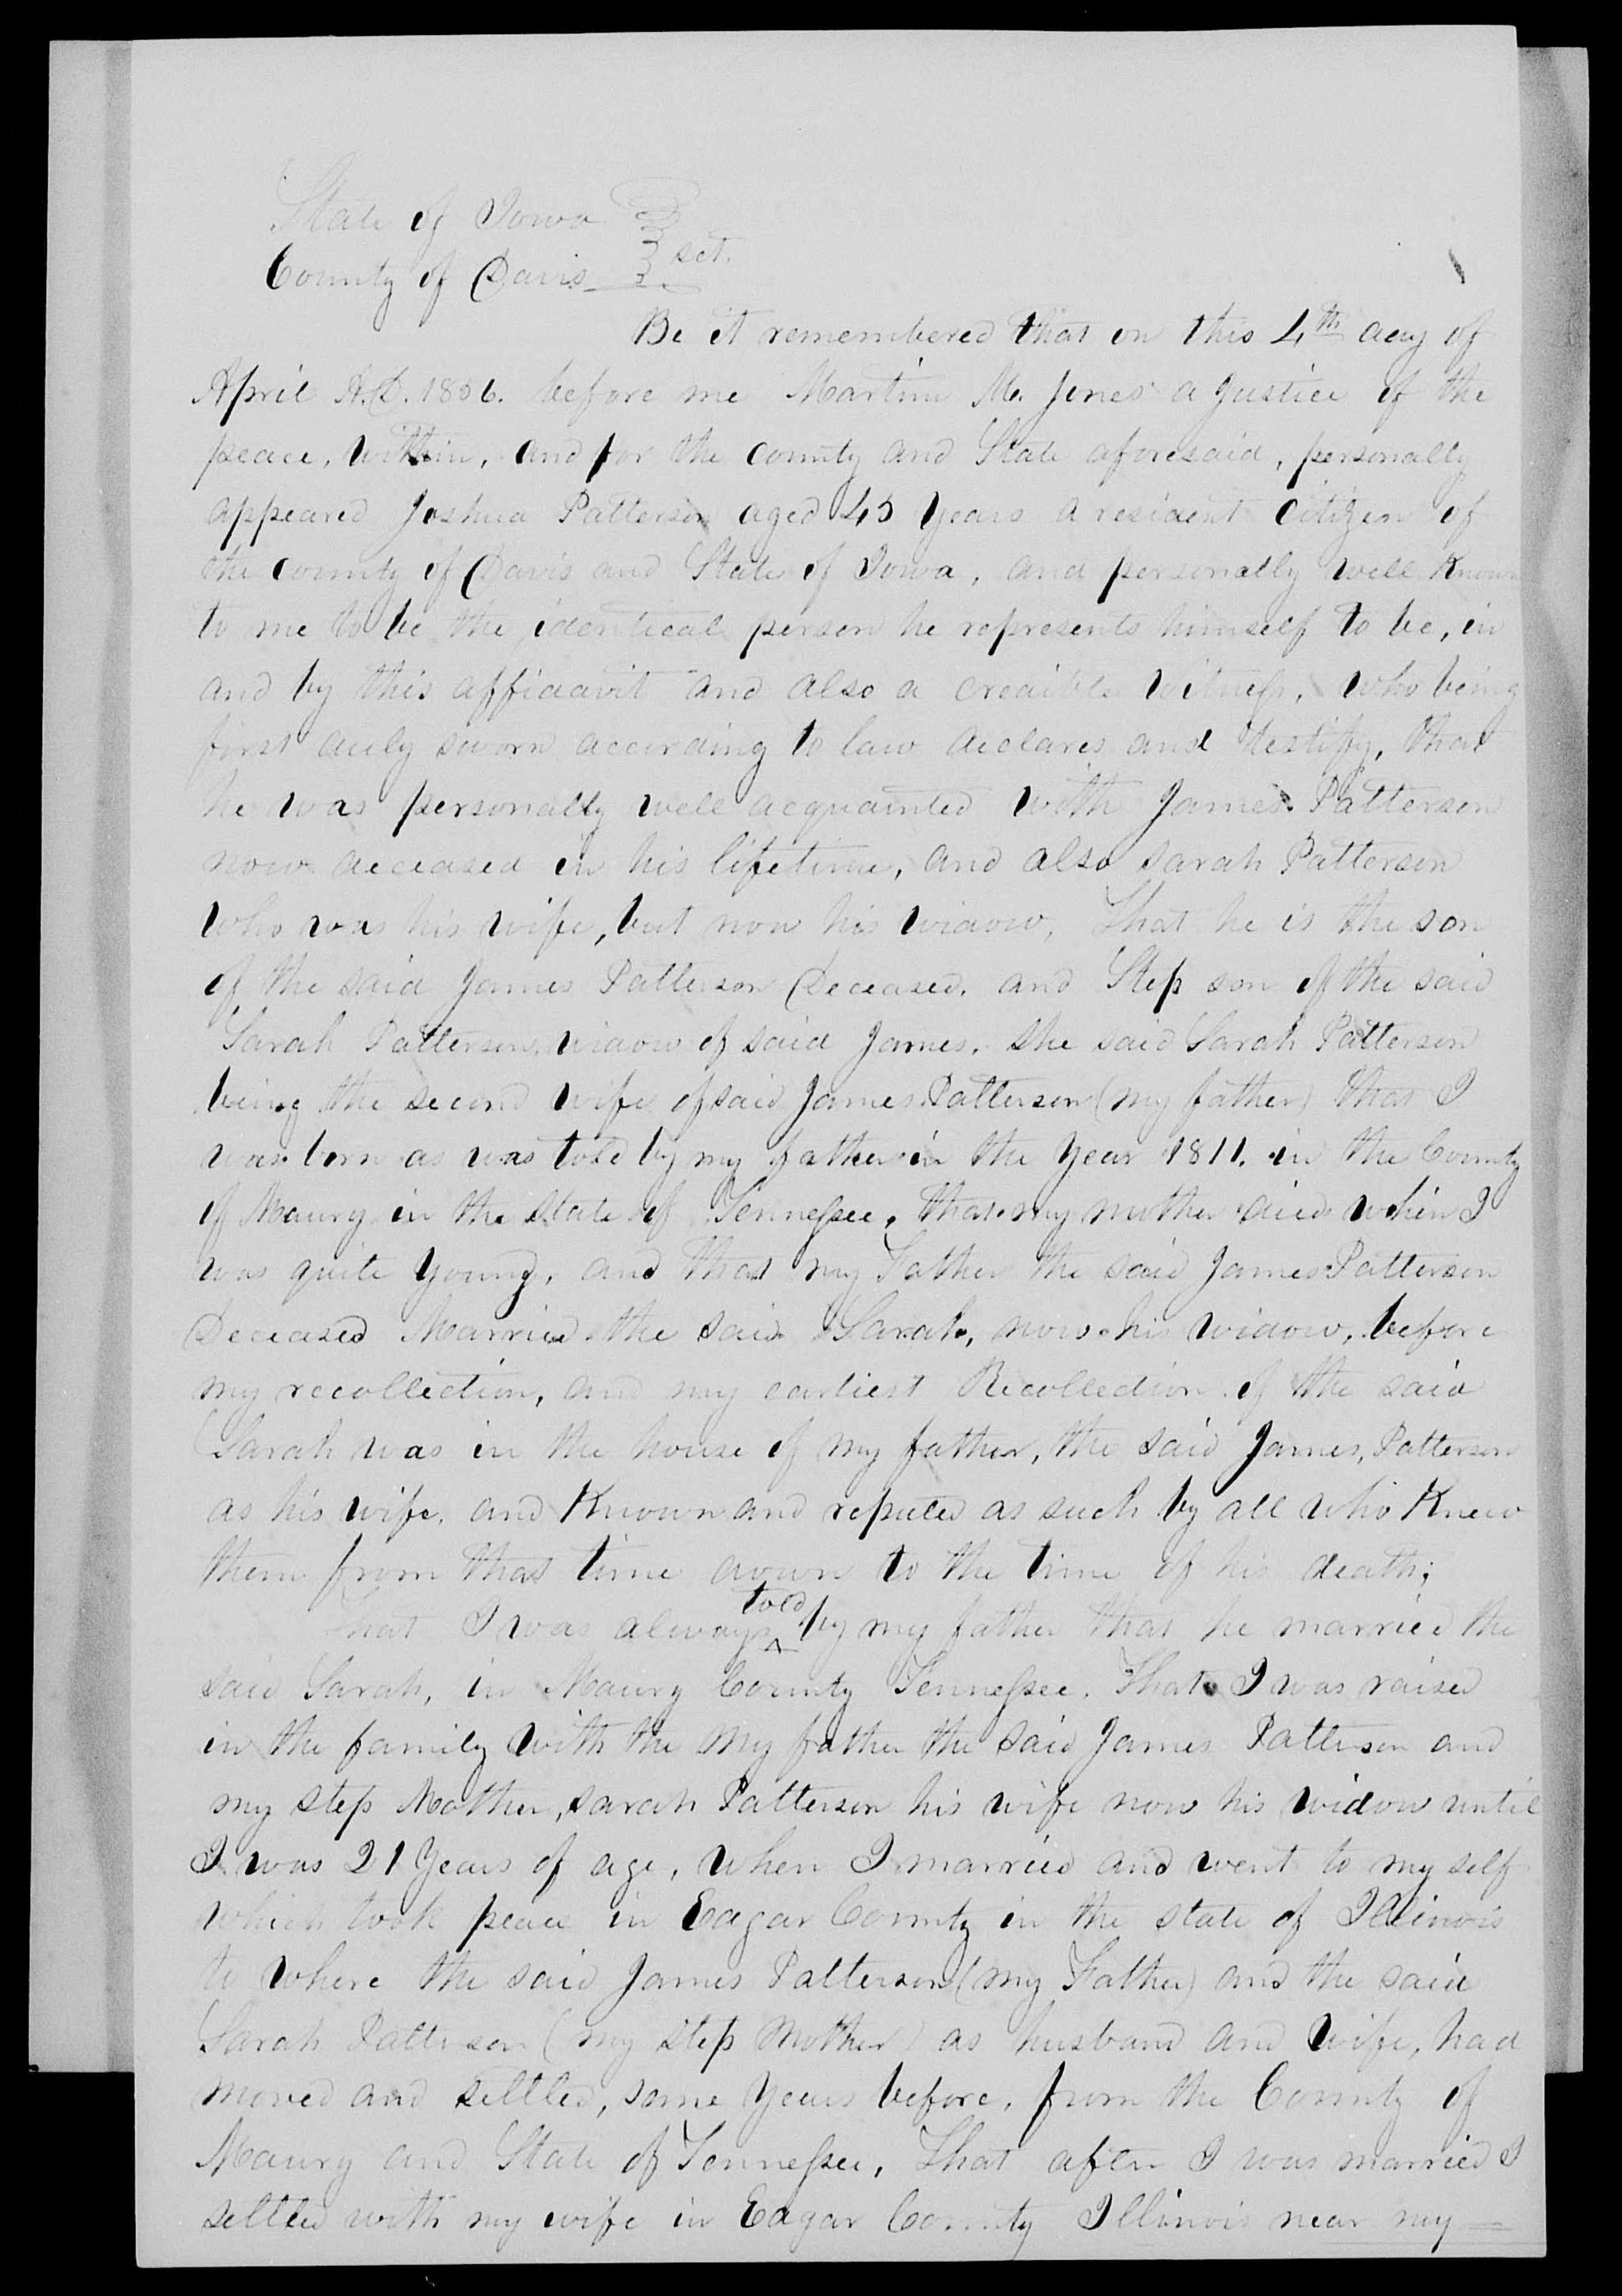State of Iowa }
County of Davis } Act
Be it remembered that on this 4th day of April A.D. 1856. before me Martine M. Jones a Justice of the peace, within and for the County and State aforesaid, personally appeared Joshua Patterson aged 45 years a resident Citizen of the County of Davis and State of Iowa, and personally well known to me to be the identical person he represents himself to be, in and by this affidavit and also a credible witness, who being first duly sworn according to law declares and testify, that he was personally well acquainted with James Patterson now deceased in his lifetime, and also Sarah Patterson who was his wife, but now his widow, that he is the son of the said James Patterson Deceased, and step son of the said Sarah Patterson, widow of said James, the said Sarah Patterson being the second wife of said James Patterson (my father) that I was born as was told by my father in the year 1811, in the County to of [illegible Maury] in the State of Tennessee, that my mother died when I was quite young, and that my Father the said James Patterson Deceased Married the said Sarah, now his widow, before my recollection, and my earliest recollection of the said Sarah was in the house of my father, the said James Patterson as his wife, and Known and reputed as such by all who knew them from that time down to the time of his death; 
That I was always told by my father that he married the said Sarah, in Maury County Tennessee. That I was raised in the family with the my father the said James Patterson and my Step Mother, Sarah Patterson his wife now his widow until I was 21 years of age, when I married and went to myself which took place in Edgar County in the State of Illinois to where the said James Patterson (my Father, and the said Sarah Pattison (my step mother) as husband and wife, had moved and settled, some years before, from the County of Maury and State of Tennessee, That after I was married I settled with my wife in Edgar County Illinois near my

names: Martine M Jones; James Patterson; Sarah Patterson; Joshua Patterson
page: 6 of 69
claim: widow's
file: W. 10861, for James Patterson, North Carolina